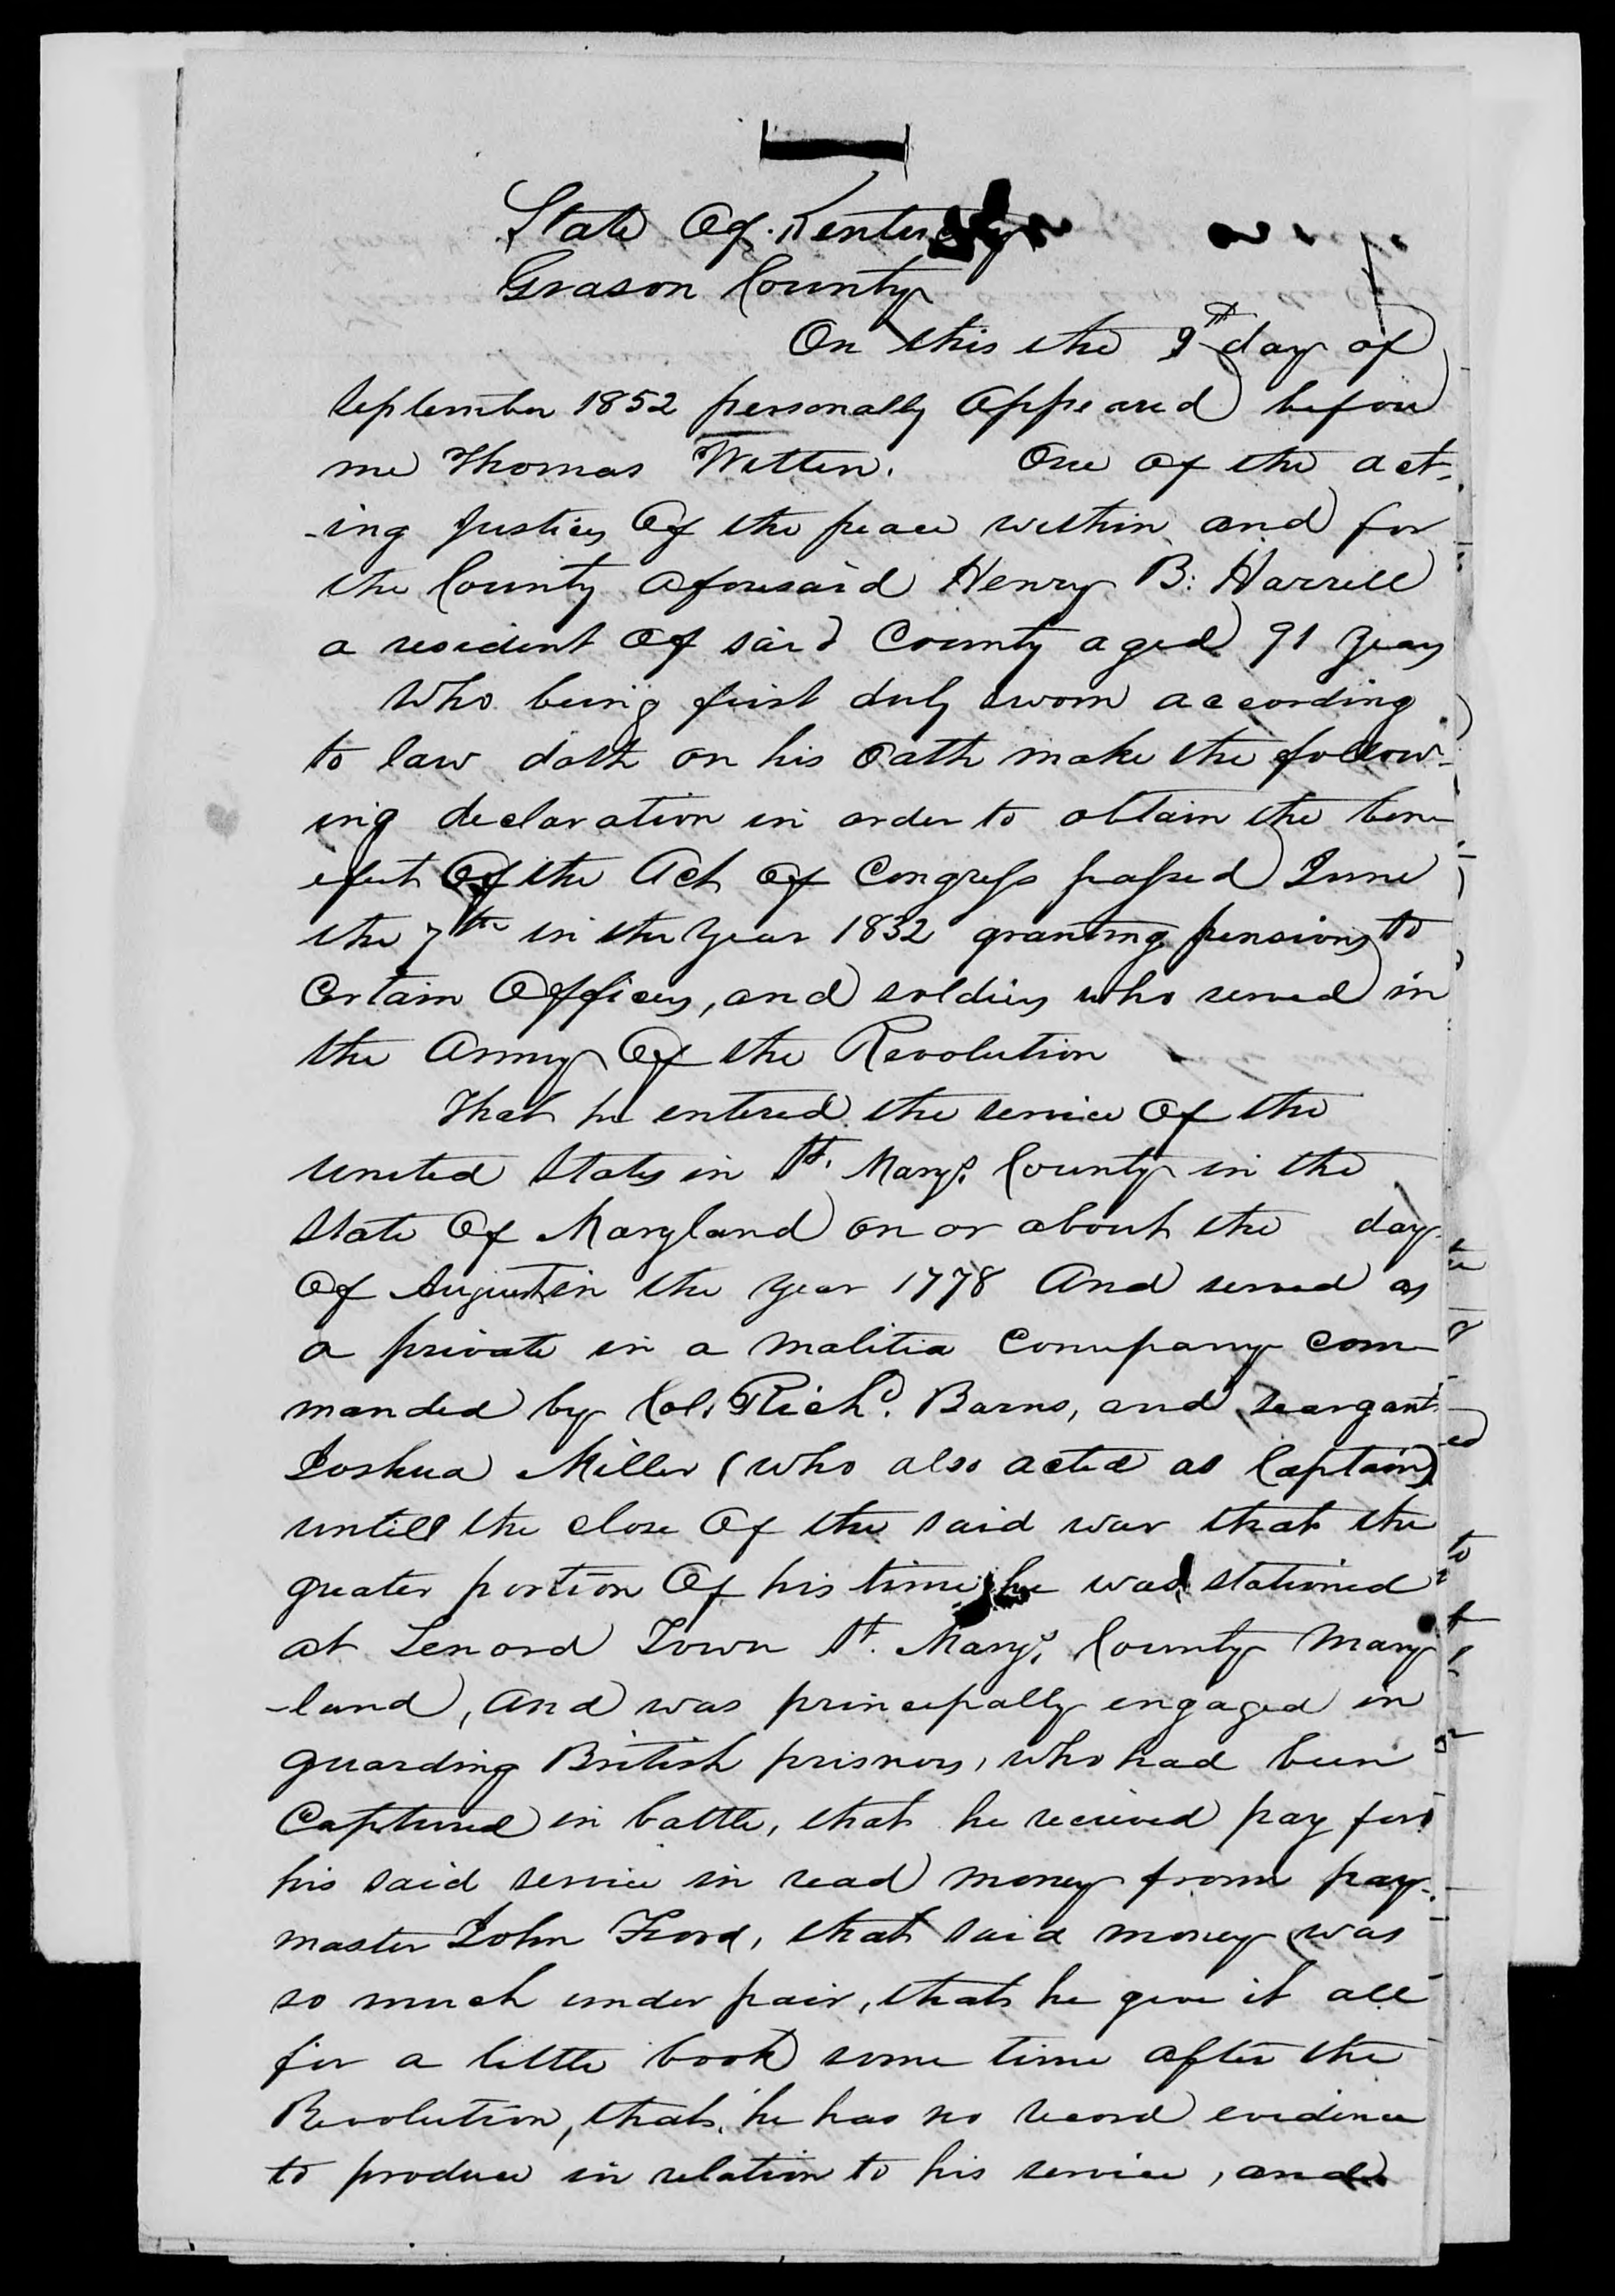State of Kentucky
Grason County

On this the 9th day of September 1852 personally appeared before me Thomas Witten. One of the acting Justices of the peace within and for the County aforesaid Henry B Harrell a resident of said County aged 91 years who being first duly sworn according to law doth on his oath make the following declaration in order to obtain the benefit of the Act of Congress passed June the 7th in the year 1832 granting pensions to certain officers and soldiers who served in the Army of the Revolution.
That he entered the service of the United States in St Mary's County in the state of Maryland on or about the [blank] day of August in the year 1778 and served as a private in the malitia (militia) Company Commanded by Col. Rich'd Barns, and Seargent Joshua Miller (who also acted as Captain) until the close of the said war that the greater portion of his time he was stationed at Lenard Town [Leonardtown] St. Mary's County Maryland and was principally engaged in guarding British prisoners who had been captured in battle, that he received pay for his said service in real money from paymaster John Ford, that said money was so much under fair, that the give it all for a letter book some time after the Revolution, that he has no record evidence to produce in relation to his service, and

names: Henry B Harrell, Thomas Witten, John Ford, Richd Barns, Joshua Miller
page: 3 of 15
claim: rejected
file: R. 5234, Henry B Horrell, Md.